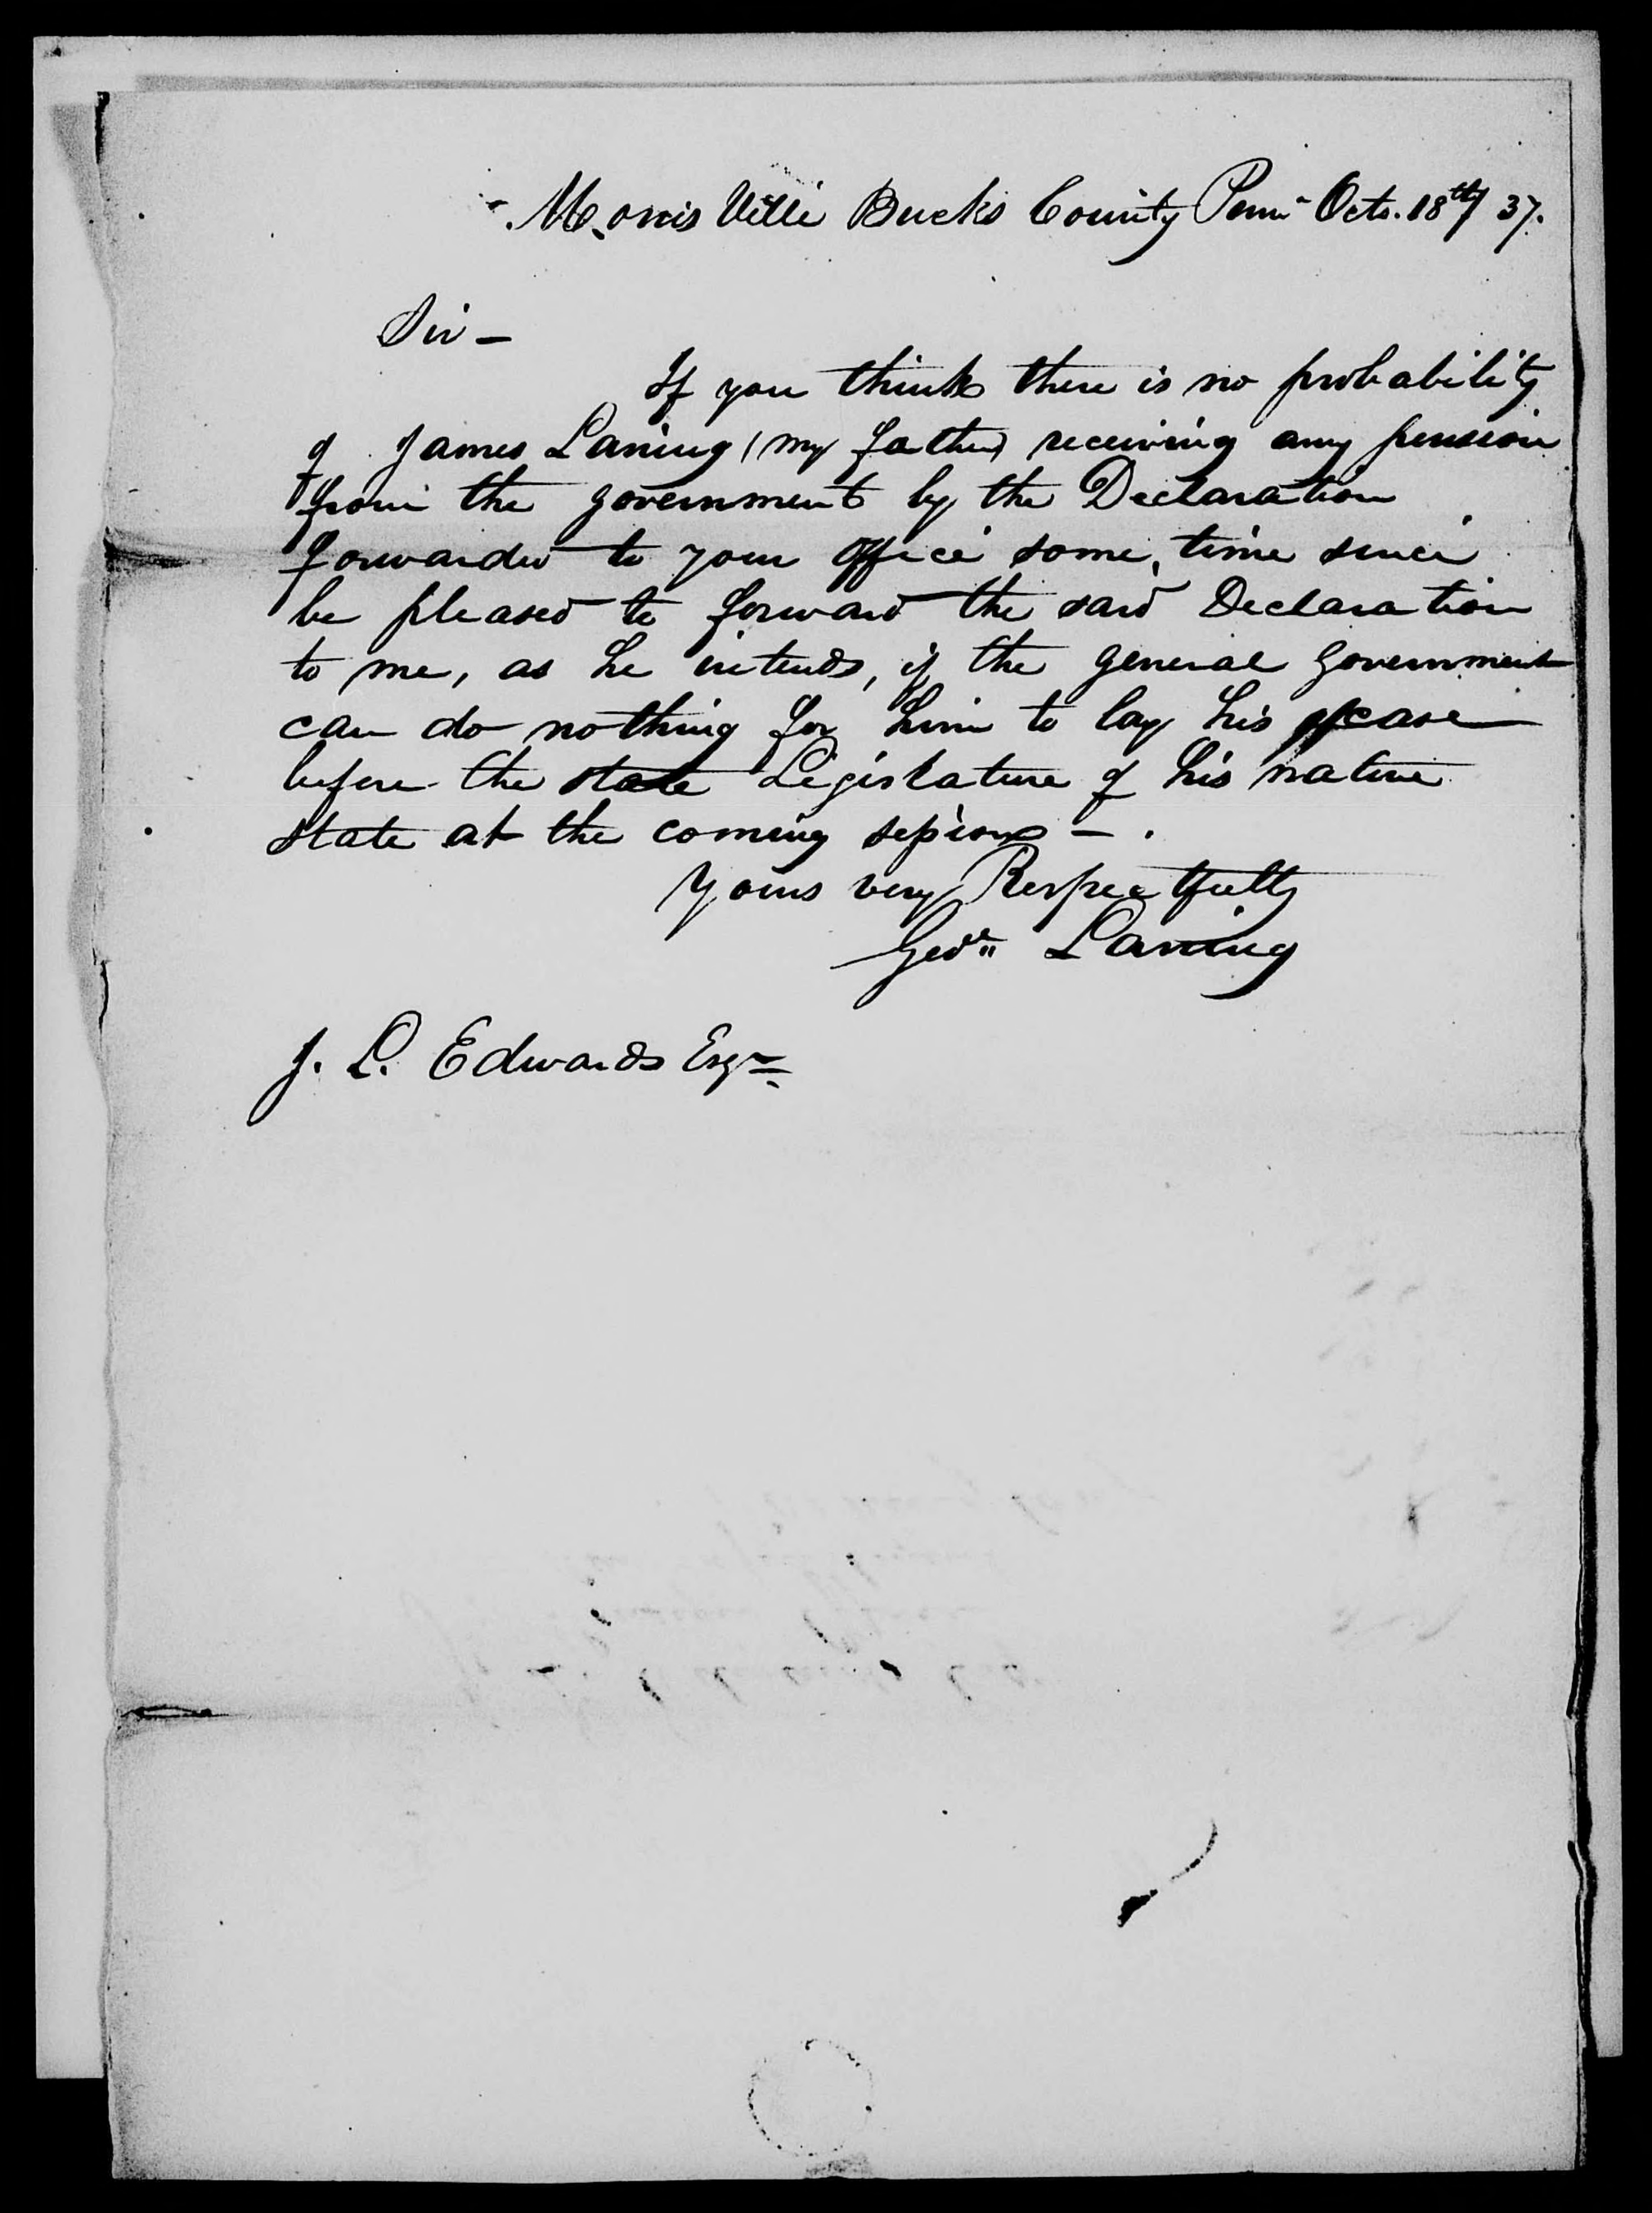Morris Ville Bucks County Penn - Octo. 18th/37.

Sir-
If you think there is no probability of James Laning (my father) receiving any pension from the government by the Declaration forwarded to your office some time since be pleased to forward the said declaration to me, as he intends, if the general government can do nothing for him to lay his case before the state Legislature of his native State at the coming session_.
Yours very Respectfully
Geor.. Laning

J. L. Edwards Esqr.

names: James Laning; Geoe Laning; J L Edwards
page: 20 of 39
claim: rejected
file: R. 6154, for James Laning, New Jersey